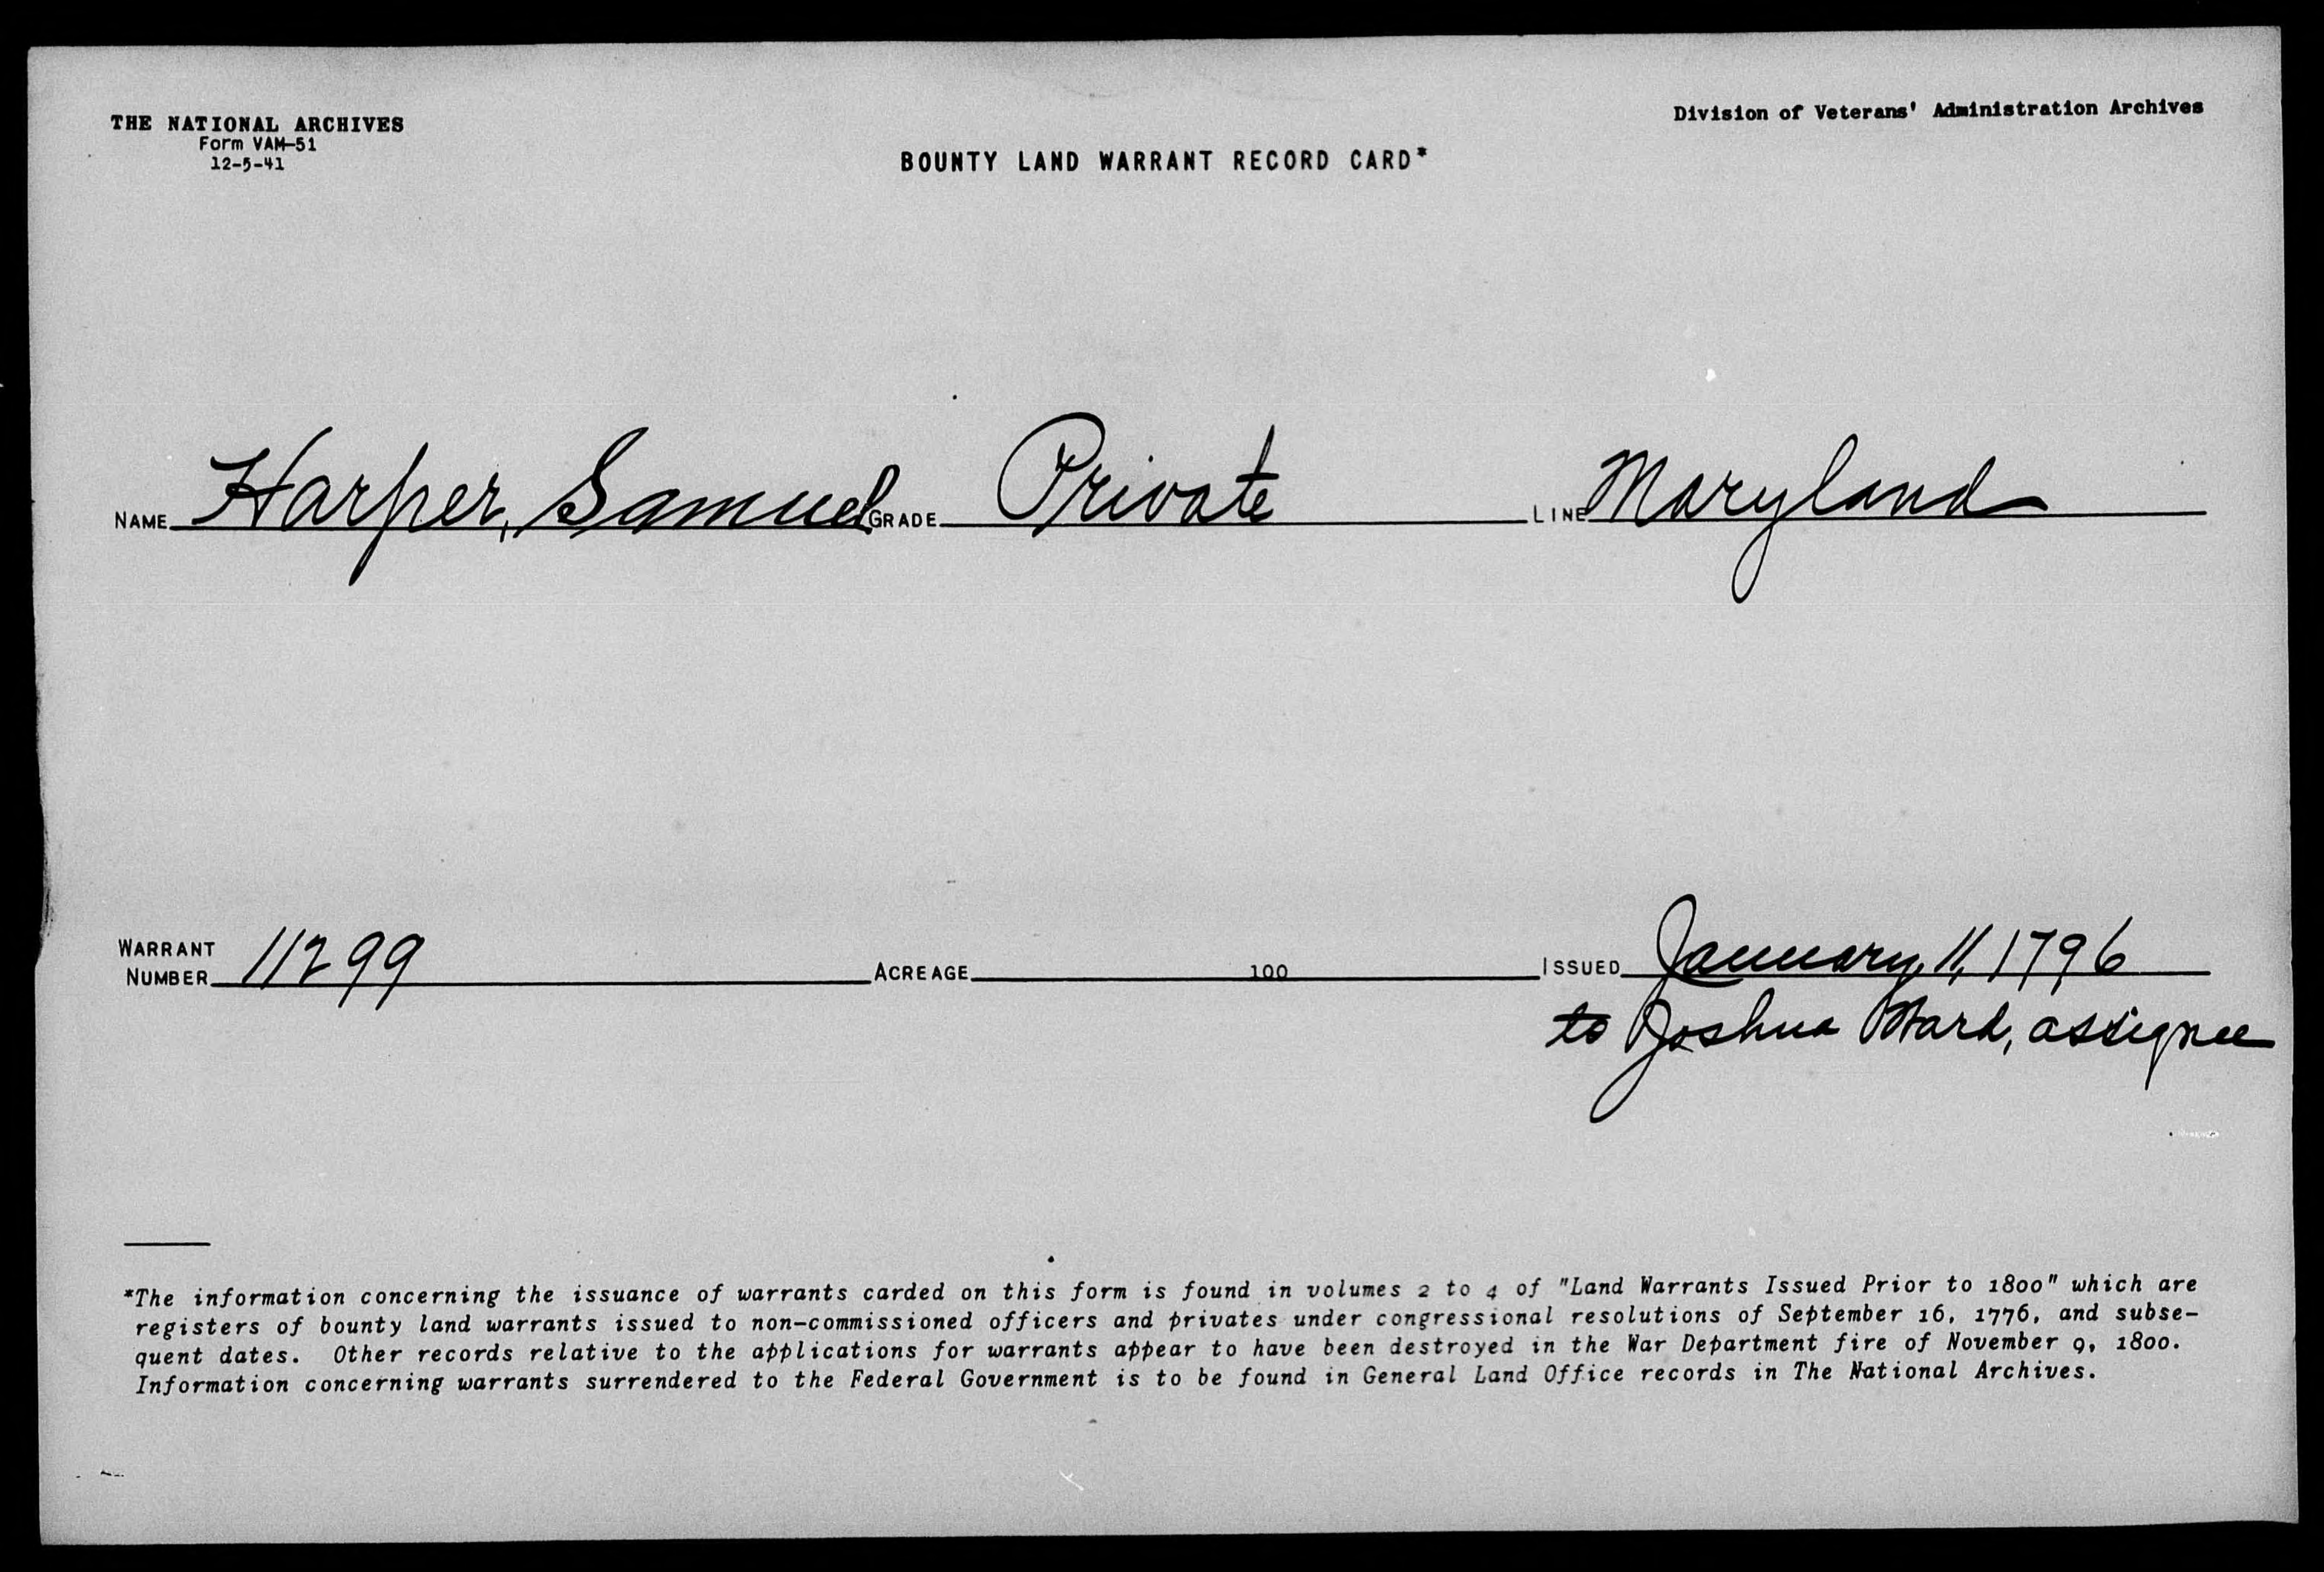THE NATIONAL ARCHIVES
Form VAM-51
12-5-41
BOUNTY LAND WARRANT RECORD CARD*
Division of Veterans' Administration Archives 
 NAME Harper, Samuel B GRADE Private
LINE Maryland 
WARRANT NUMBER 1299
ACREAGE 100
ISSUED January 1796
to Joshua Ward, assignee
The information concerning the issuance of warrants carded on this form is found in volumes 2 to 4 of ""Land Warrants Issued Prior to 1800"" which are
registers of bounty land warrants issued to non-commissioned officers and privates under congressional resolutions of September 16, 1776, and subsequent
dates. Other records relative to the applications for warrants appear to have been destroyed in the War Department fire of November 9, 1800.
Information concerning warrants surrendered to the Federal Government is to be found in General Land Office records in The National Archives.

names: Joshua Ward, Samuel Harper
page: 63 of 81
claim: survivor's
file: S. 1908, Richard Harper, N.C.